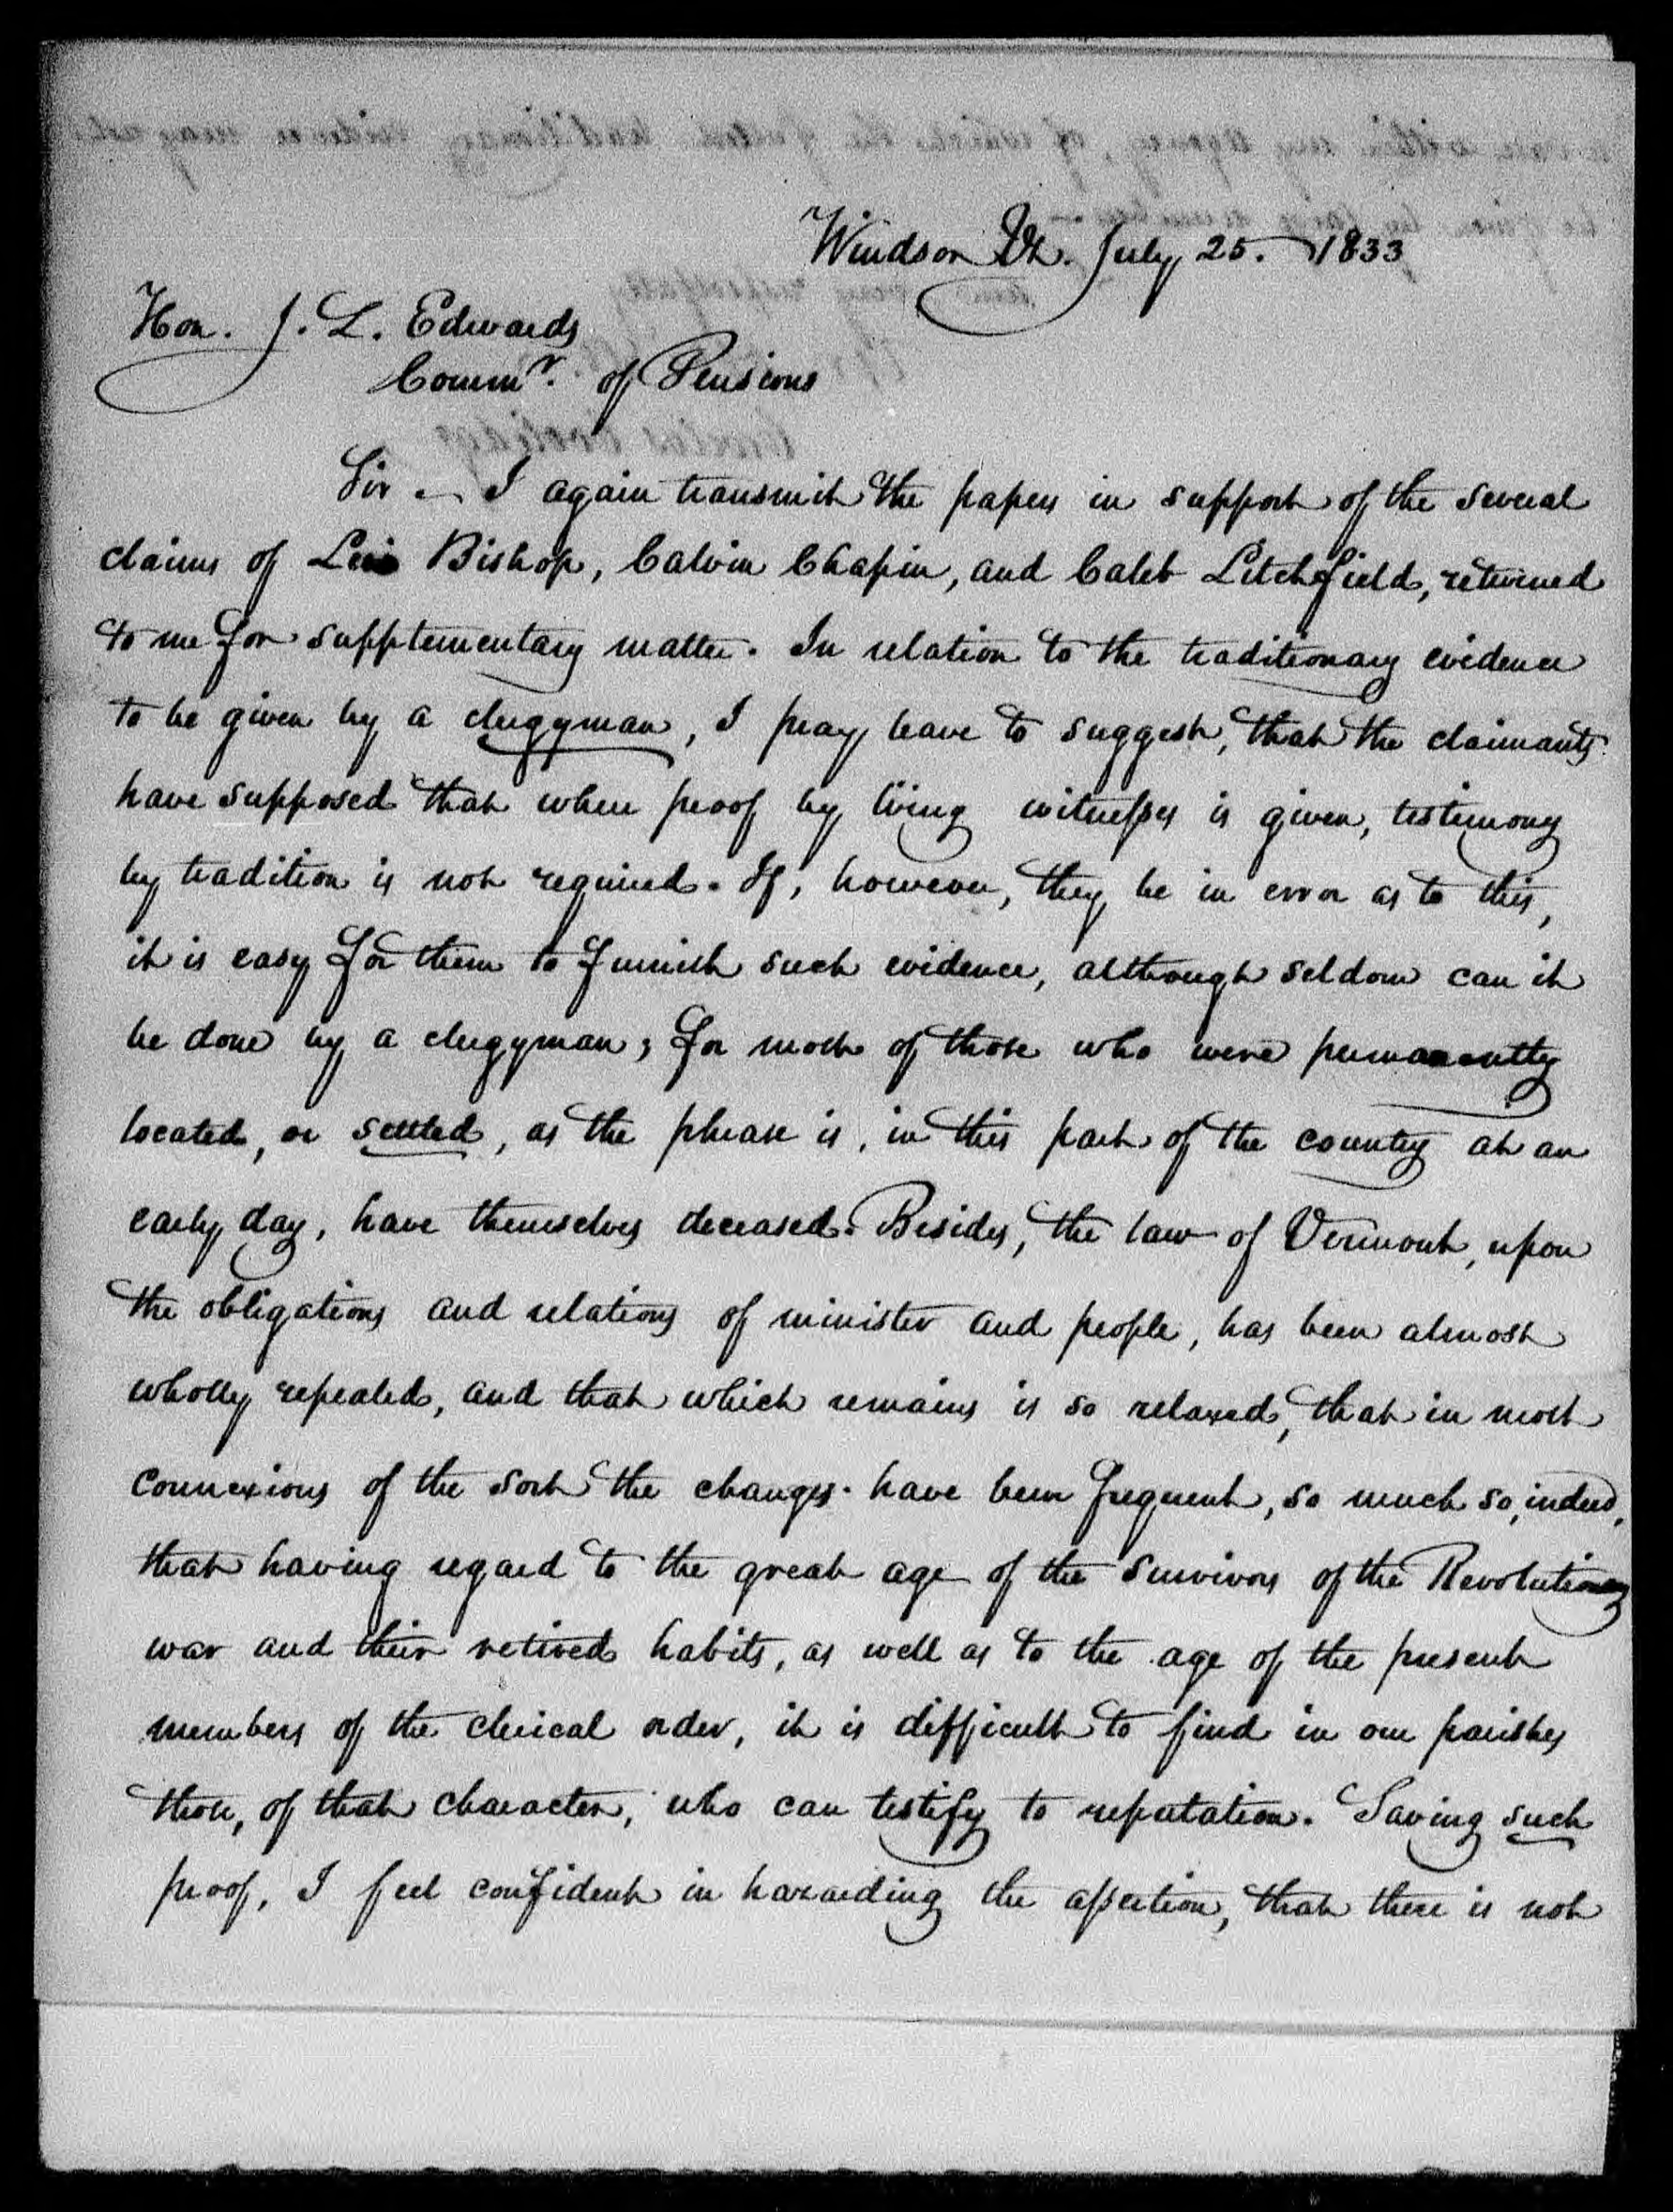[handwritten letter]

Windsor Vt. July 25. 1833

Hon. J. L. Edwards
Comm'r of Pensions

Sir - I again transmit the papers in support of the several claims of Levi Bishop, Calvin Chapin, and Caleb Litchfield, returned to me for supplementary matter. In relation to the traditionary evidence to be given by a clergyman, I pray leave to suggest, that the claimants have supposed that where proof by living witnesses is given, testimony by tradition is not required. If, however, they be in error as to this, it is early for them to furnish such evidence, although seldom can it be done by a clergyman, for most of those who have permanently located, or settled, as the phrase is, in this part of the country at an early day, have themselves deceased Resides, the law of Vermont, upon the obligations and relations of minister and people, has been almost wholly repealed, and that which remains is so relaxed, that in most connexions of the sort the changes - have been frequent, so much so, indeed, that having regard to the great age of the survivors of the Revolutionary war and their retired habits, as well as to the age of the present members of the clerical order, it is difficult to find in our parishes that, of that character, who can testify to reputation, Saving such proof, I feel confident in hazarding the assertion, that there is not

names: Levi Bishop, Calvin Chapin, Caleb Litchfield, J L Edwards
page: 31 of 35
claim: widow's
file: W. 20,864, Calvin Chapin, Mass. Vt.